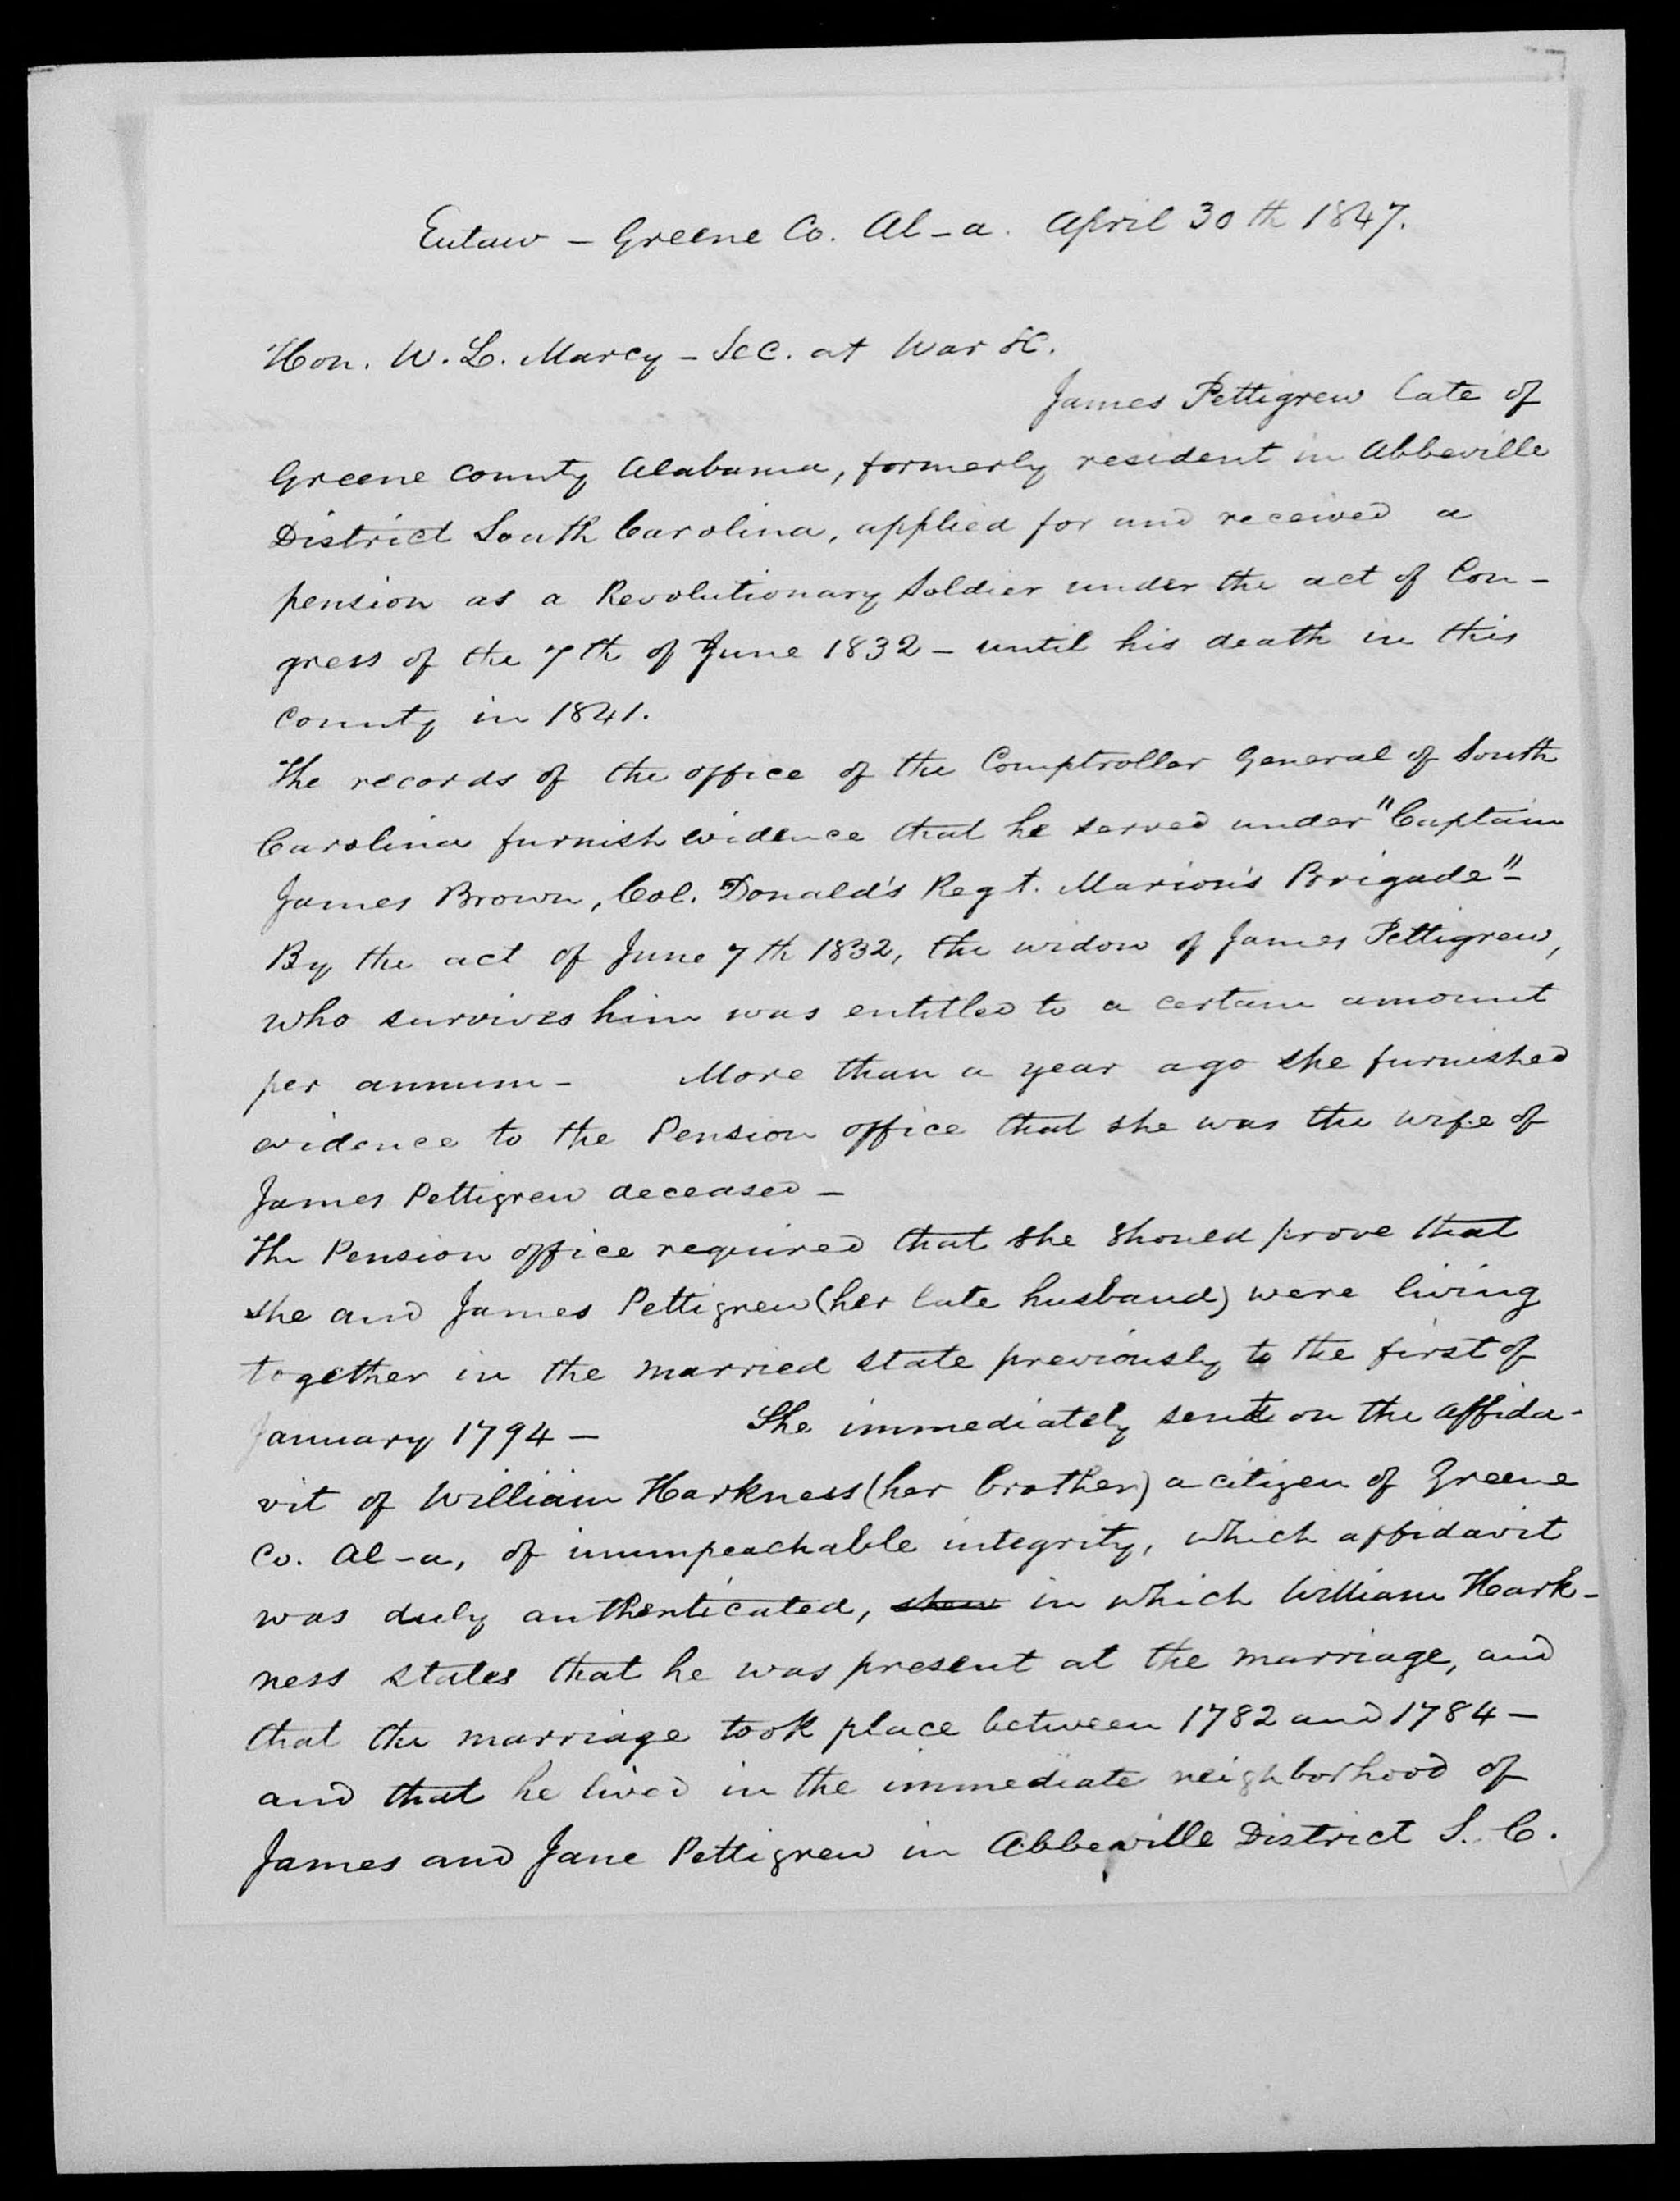Eutaw - Greene Coo. Al-a April 30th 1847.

Hon. W. L. Marcy - Sec at war H.
James Pettigrew Late of Greene County Alabama, formerly resident in Abbeville District South Carolina, applied for and received a pension as a Revolution Soldier under the act of Congress of the 4th of June 1832-until his death in this County in 1841.
The records of the office of the Comptroller General of South Carolina furnish evidence that he served und "Captain James Brown, Col. Donald's Regt. Marion's Brigade"-By the act of June 7th 1832, the widow of James Pettigrew, who survives him was entitled to a certain amount per annum- More than a year ago she provided evidence to the pension office that she was the wife of James Pettigrew deceased-
The pension office required that she shared prove that she and James Pettigrew (her late husband) were living together in the married state previously to the first of January 1794- She immediately sent on the affidavit of William Harkness (her brother) a citizen of Greene Co. Al-a, of immpeachable integrity, which affidavit was duly authenticated, ["shein" crossed off] in which William Harkness states that he was present at the marriage, and that the marriage took place between 1782 and 1784-and that he lived in the immediate neighborhood of James and Jane Pettigrew in Abbeville District S.C.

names: Jane Pettigrew; James Brown; W L Marcy; James Pettigrew; William Harkness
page: 50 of 92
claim: widow's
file: W. 5522, for James Pettigrew, South Carolina